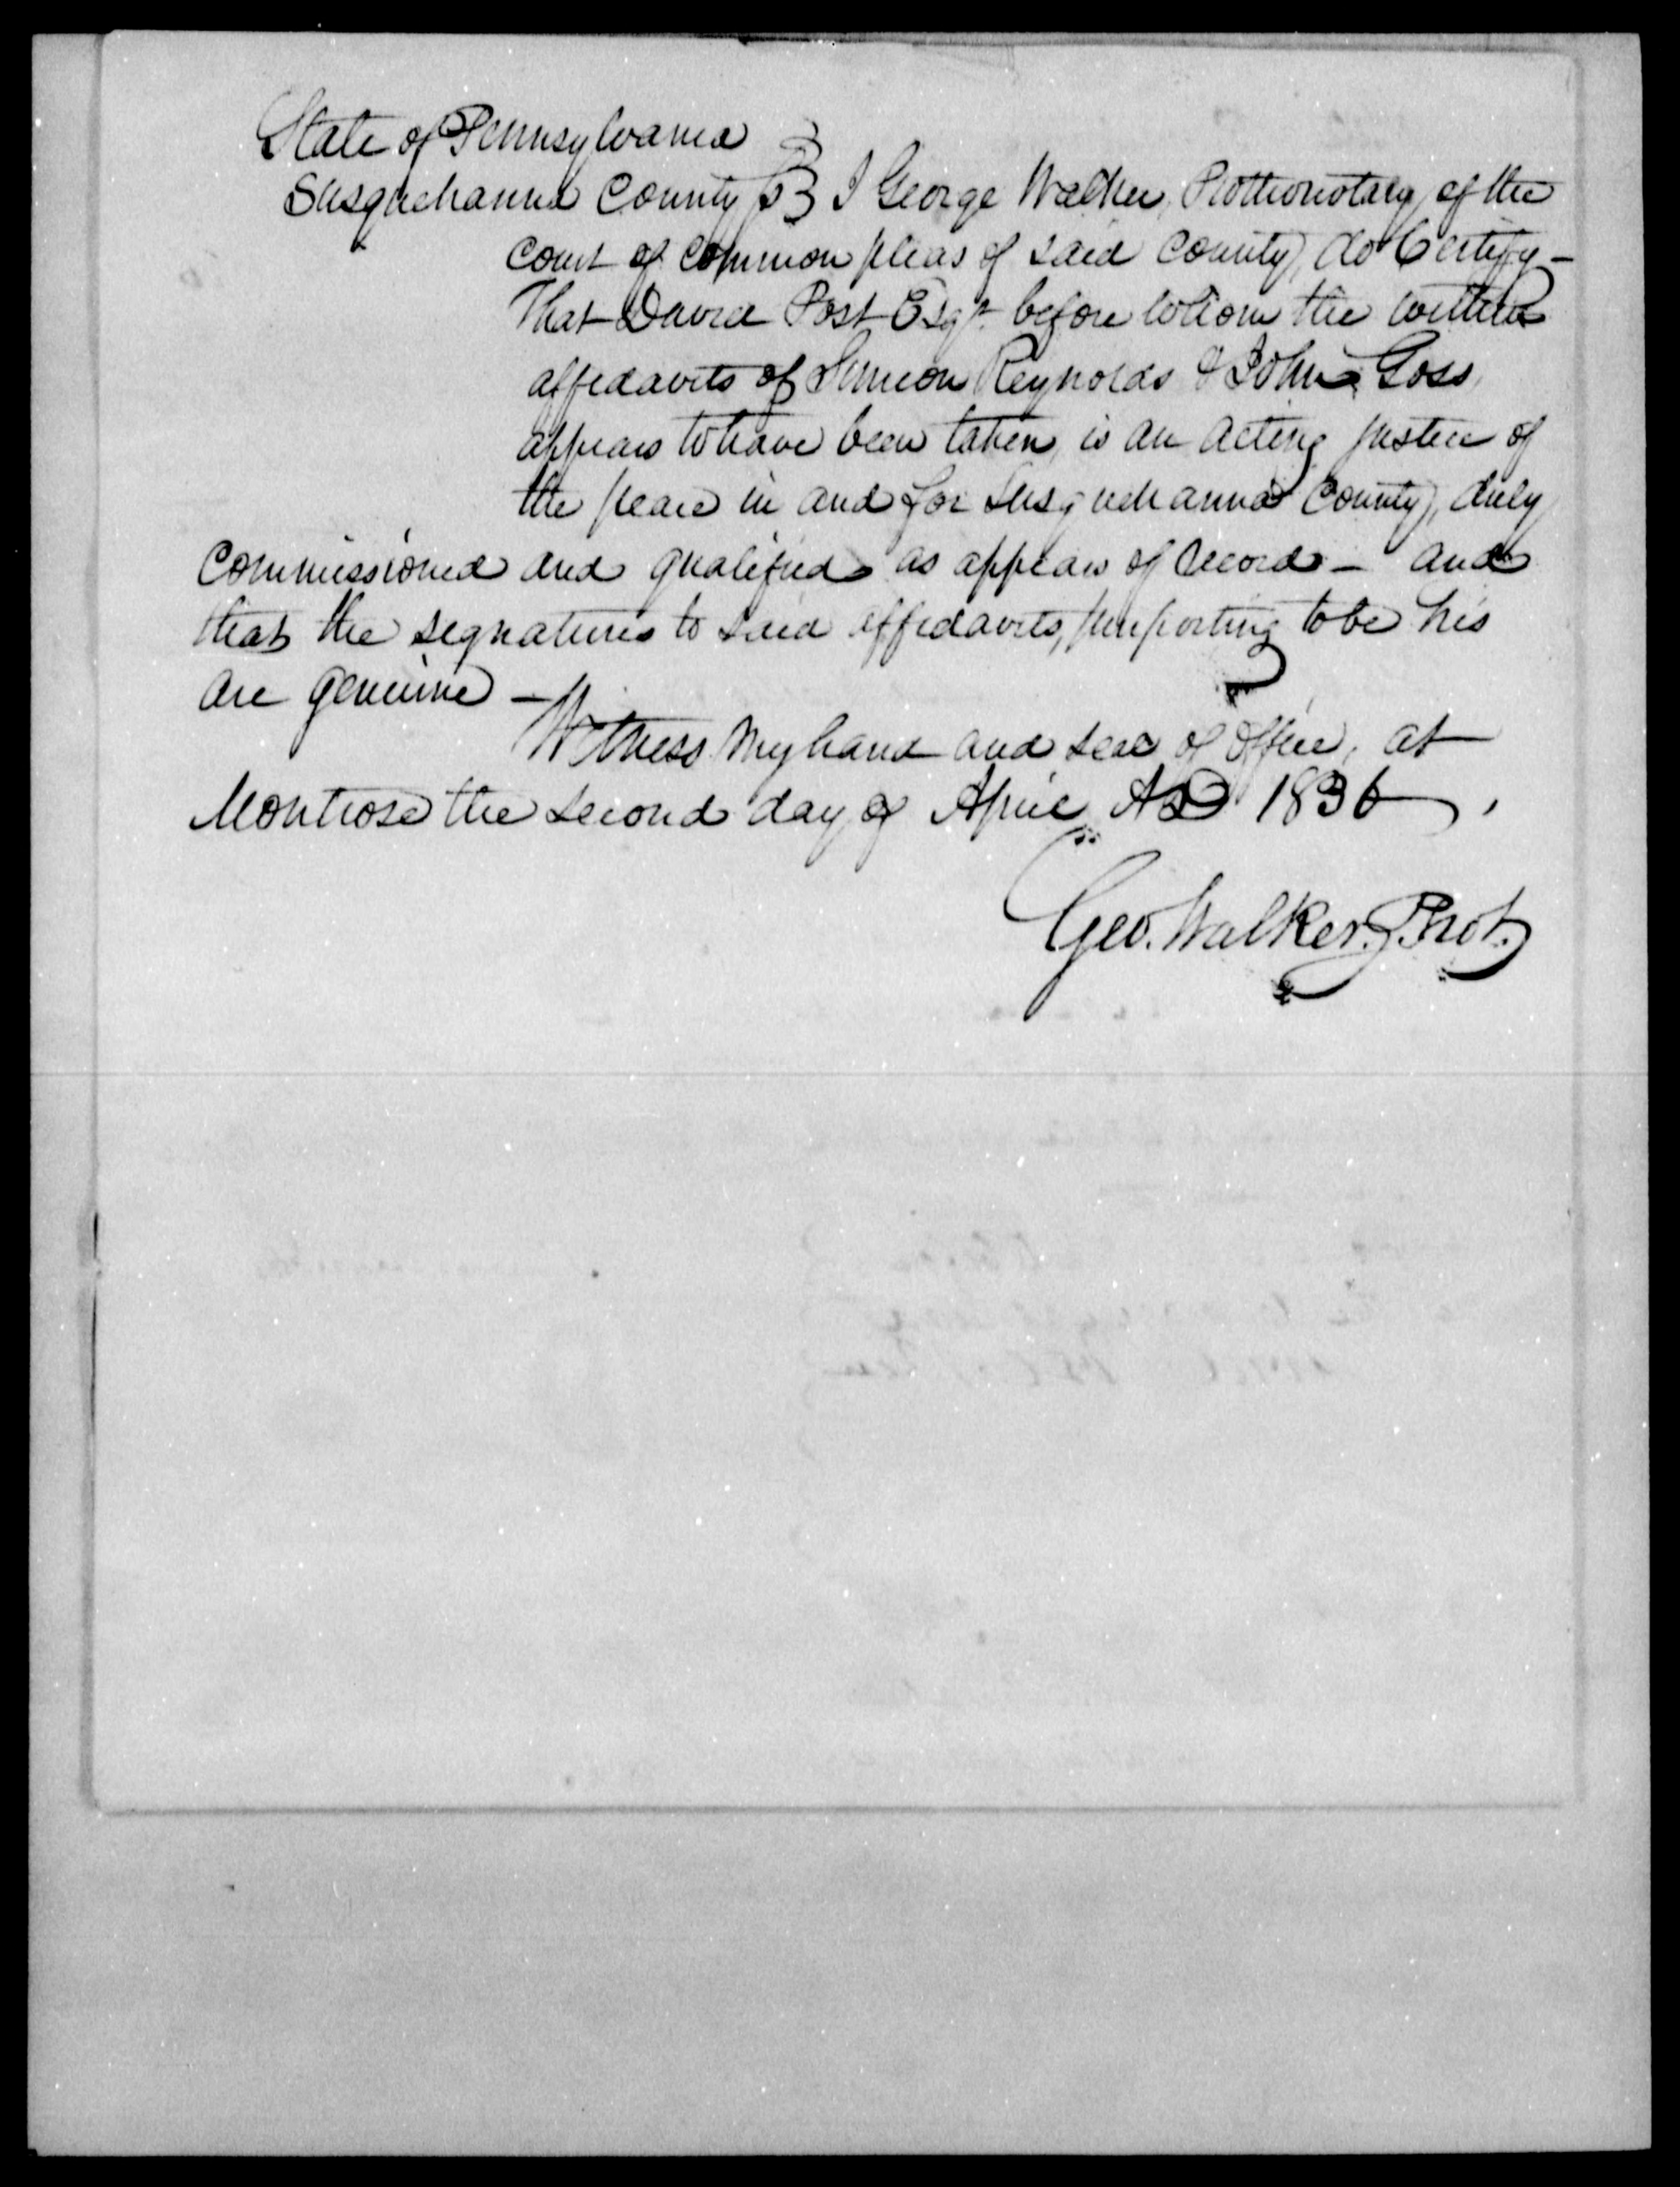State of Pennsylvania
Susquehanna County ss}

I George Walker, Prothonotary of the Court of Common Pleas of said county, do certify that David Post Esq before whom the within affidavits of Simeon Reynolds & John Goss appears to have been taken is an acting Justice of the Peace in and for Susquehanna County, duly commissioned and qualified as appears of records, and that the signatures to said affidavits purporting to be his are genuine.

Witness my hand and seal of office, at Montrose the second day of April AD 1836.

Geo. Walker Proth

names: David Post; John Goss; Geo Walker; George Walker; Simeon Reynolds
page: 11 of 20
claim: survivor's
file: S. 41,094, for Simeon Reynolds, Connecticut